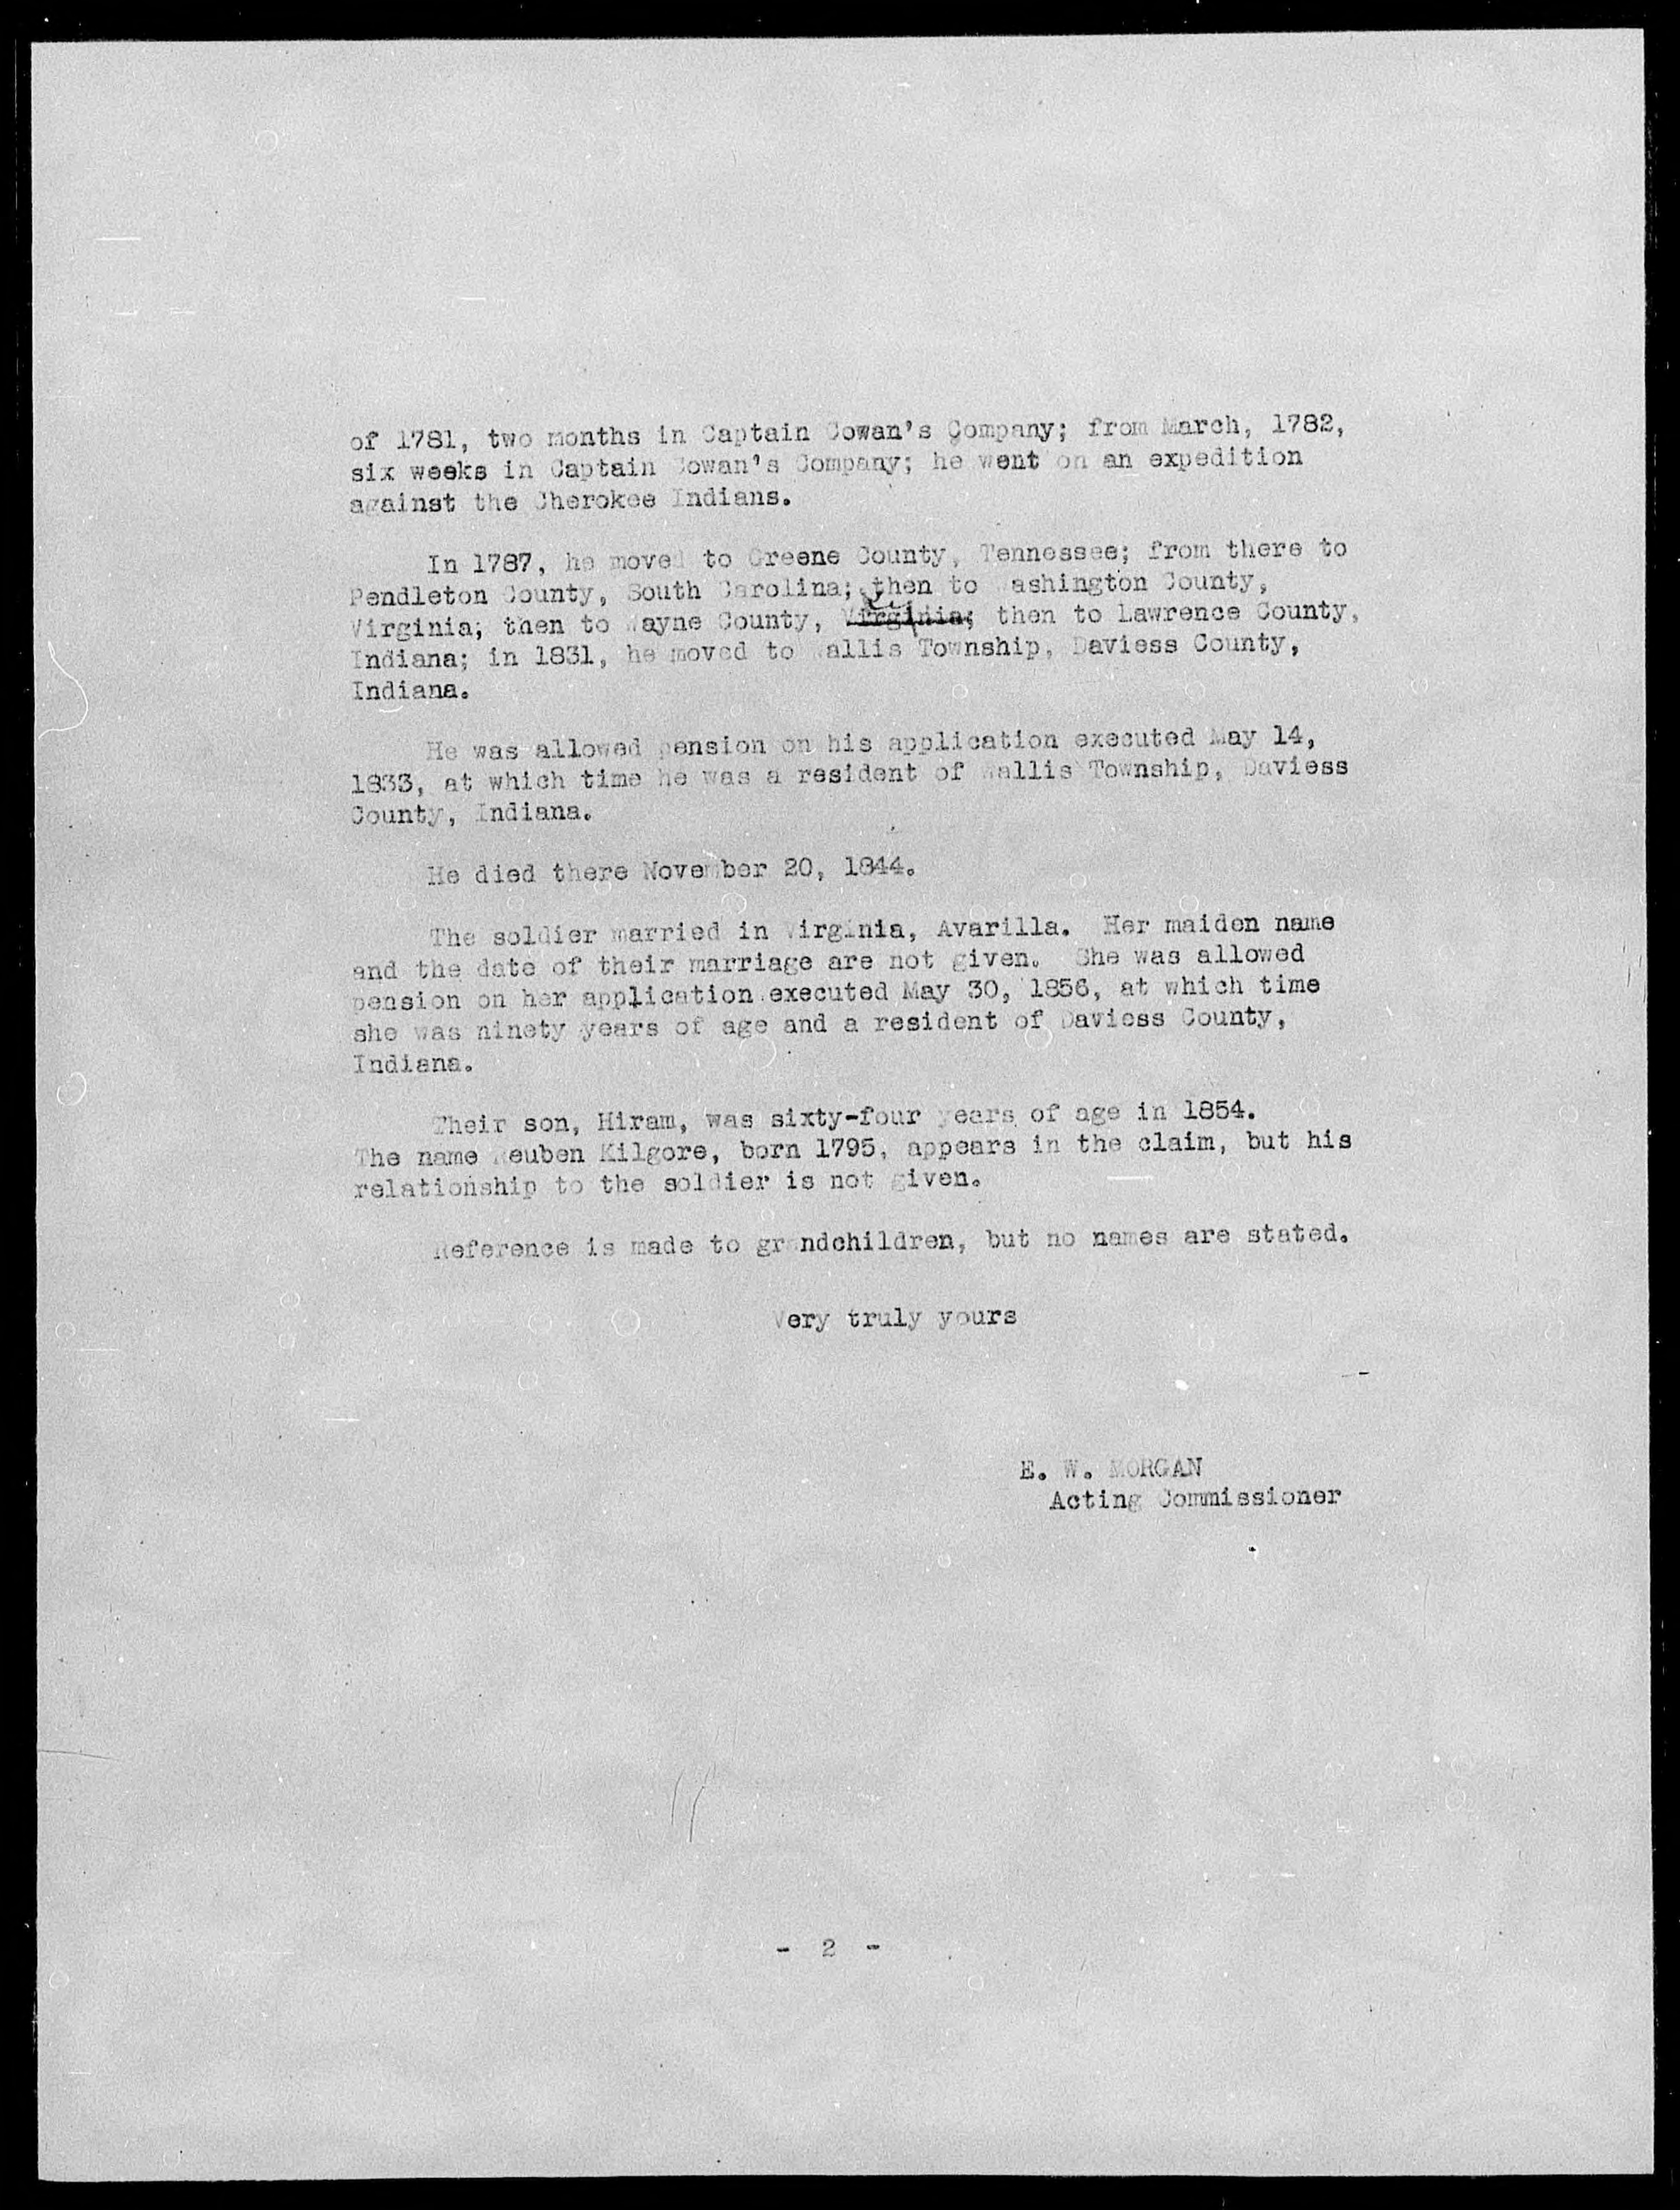sometime in the summer of 1779, three months in Captain John
nedy's Company; from sometime in the autumn of 1780, three
months in Captain Snoddy's Company: from sometime in the spring
of 1781, two months in Captain Cowan's Company; from March, 1782,
six weeks in Captain Cowan's Company, and went on an expedition
against the Cherokee Indiana.
in 1787 he moved to Greene County, Tennessee; from there
to Pendleton County, South Carolina; then to Washington County,
Virginia; then to the County, Virginia; then to Lawrence County,
Indians; in 1831 he moved to Wallis denship, Daviess County,
Judiana.
was allowed pension
on his application executed May 14,
1833, at which time he was resident of Wallis Township, Devian
County, Indiana
died there November 20, 1844.
The soldier married in Virginia, Amarilla, her maid a name
and the date of their marriage are not given, he was allowed ension
on her application executed May 30, 1850, at which time she
was ninety years of age and was resident of Daviess County,
Dittina.
Their son, Hiram, was sixty-four years of age in 1854.
the name leuton Kilgore, born 1735, appears in the claim, but his
relationship to the soldier is not given.
Reference is made to Grandchildren, but no names are stated
3
tre
by
ours.
Commissioner.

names: Reuben Kilgore; E W Morgan; Hiram [BLANK]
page: 25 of 115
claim: survivor's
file: S. 699, for Charles Kilgore, Virginia